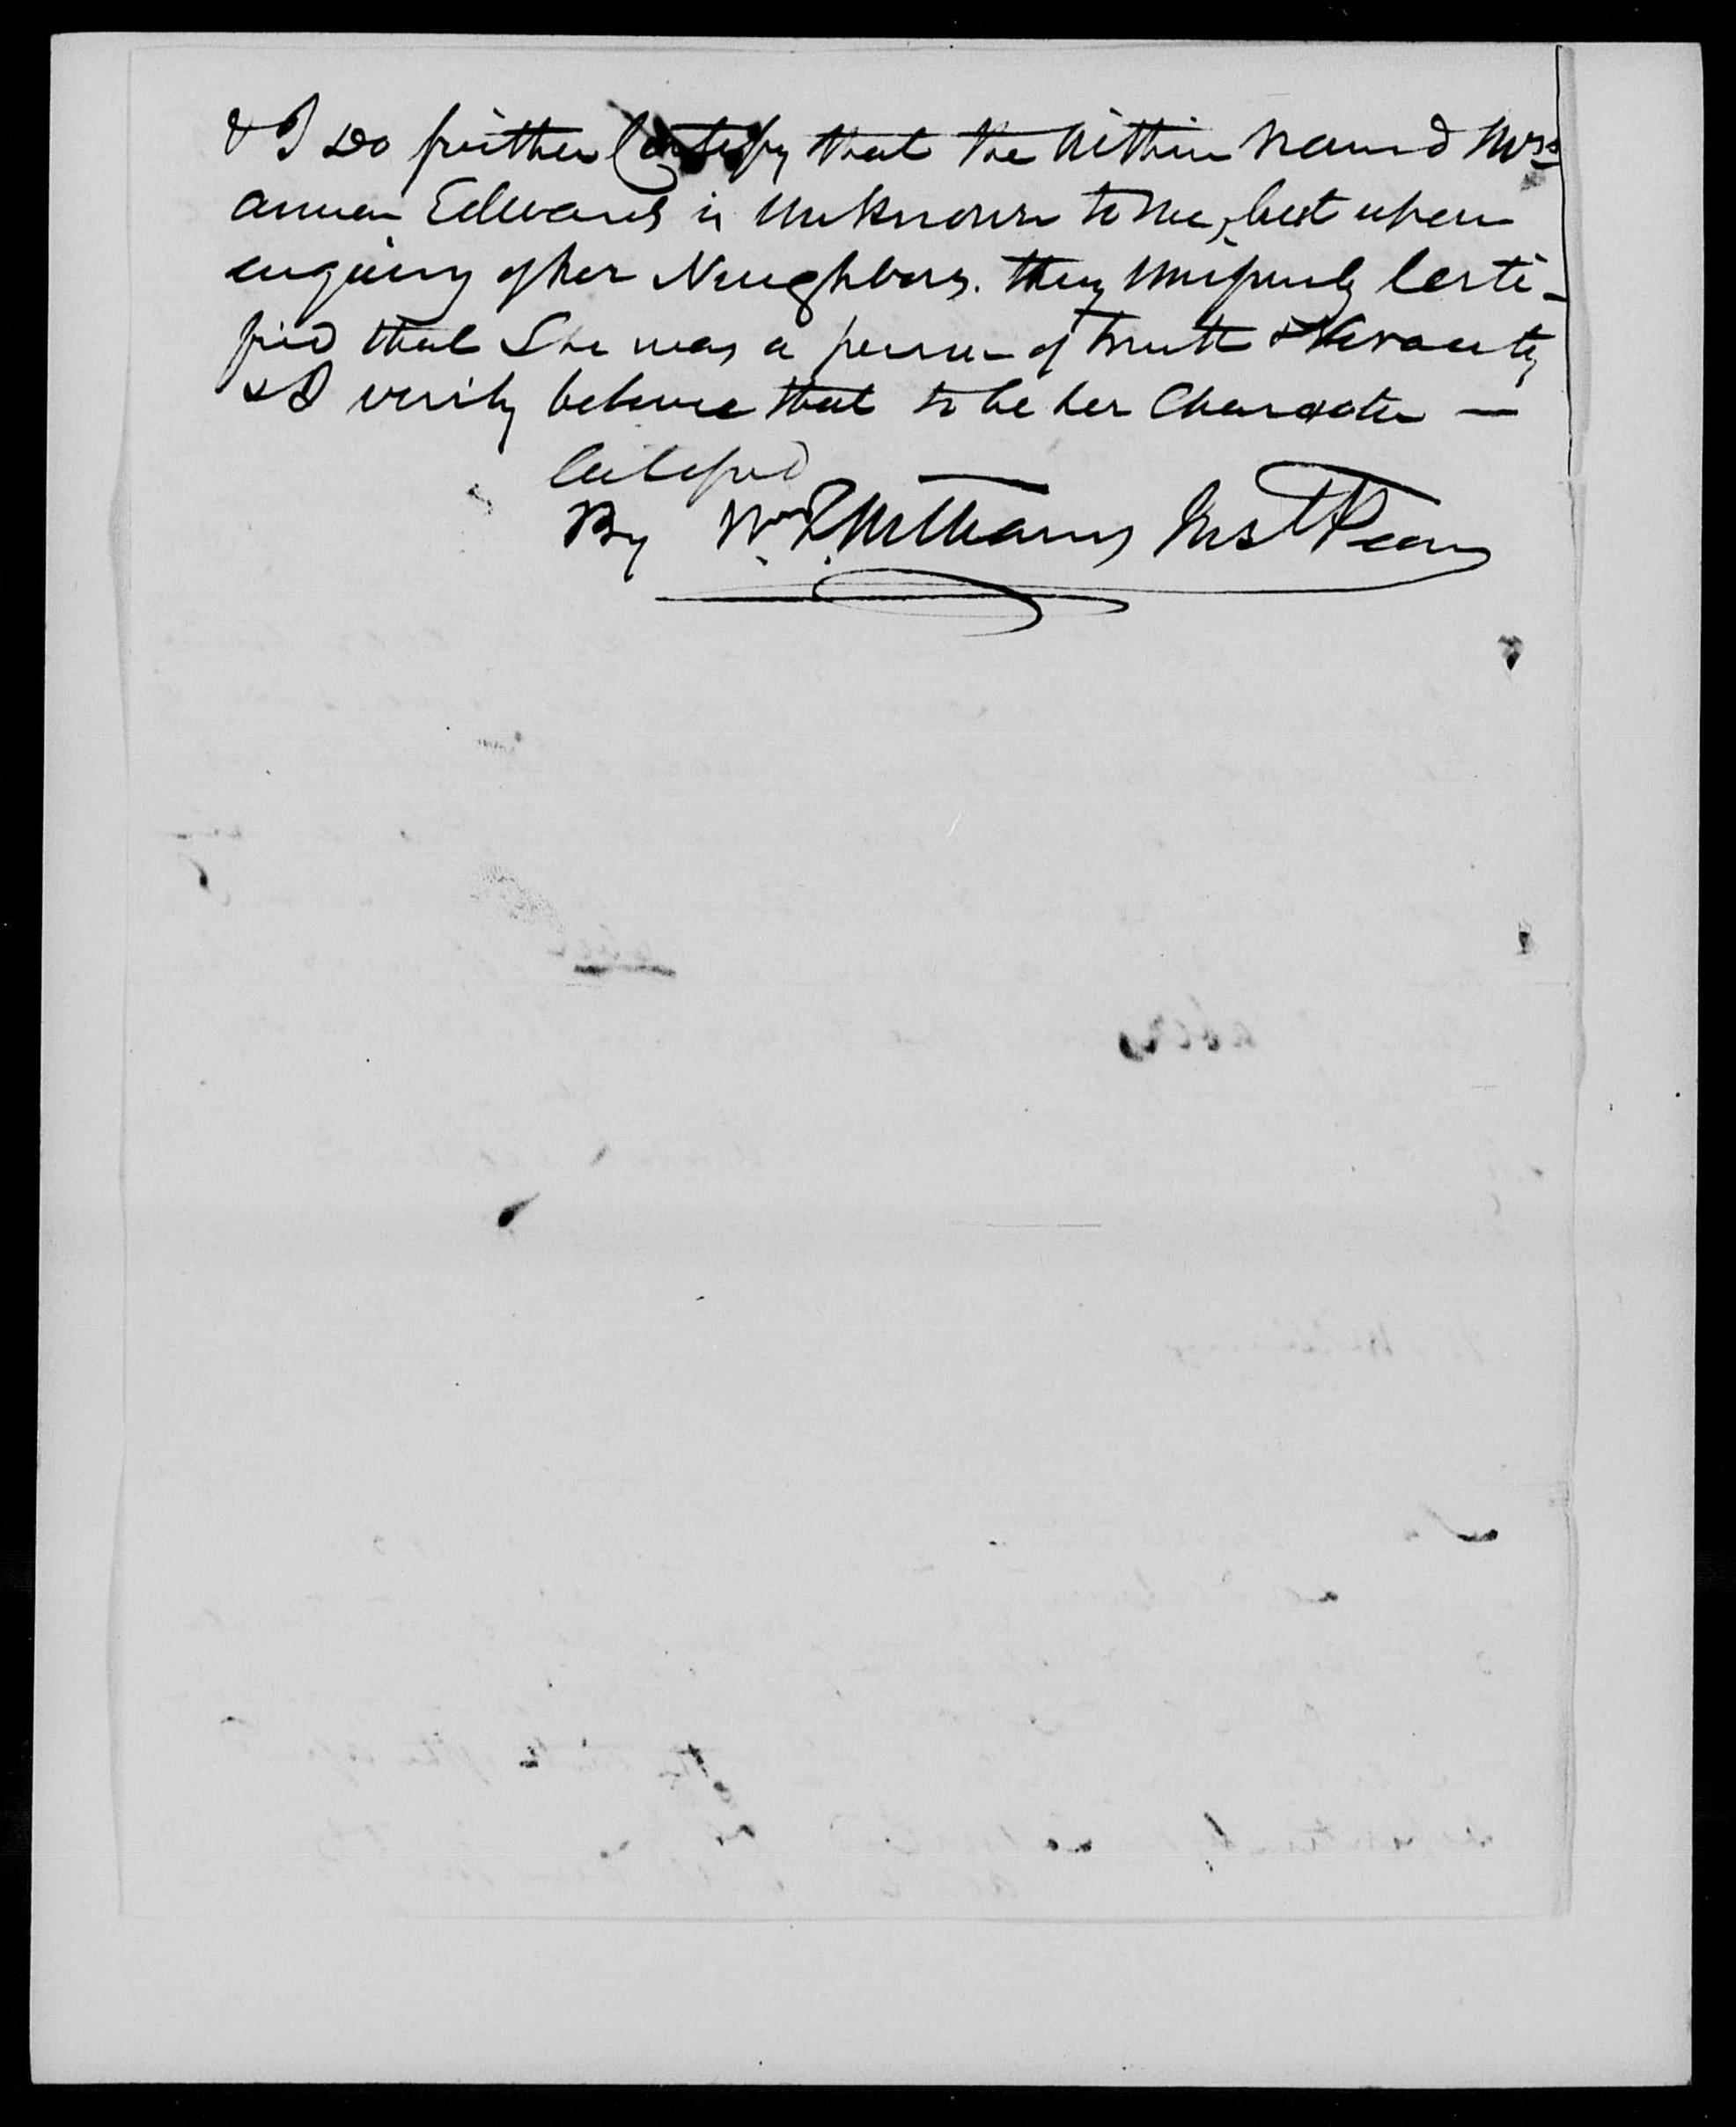& I do further certify that the within named Mrs. Anna Edwards is unknown to me, but when enquiring of her neighbors they [?] certified that she was a person of truth & veracity & I verily believe that to be her character.

Certified by
Wm. T. Williams [illegible]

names: Anna Edwards, Wm T Williams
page: 38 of 50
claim: survivor's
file: S 10607, Jabez Edwards, Conn.